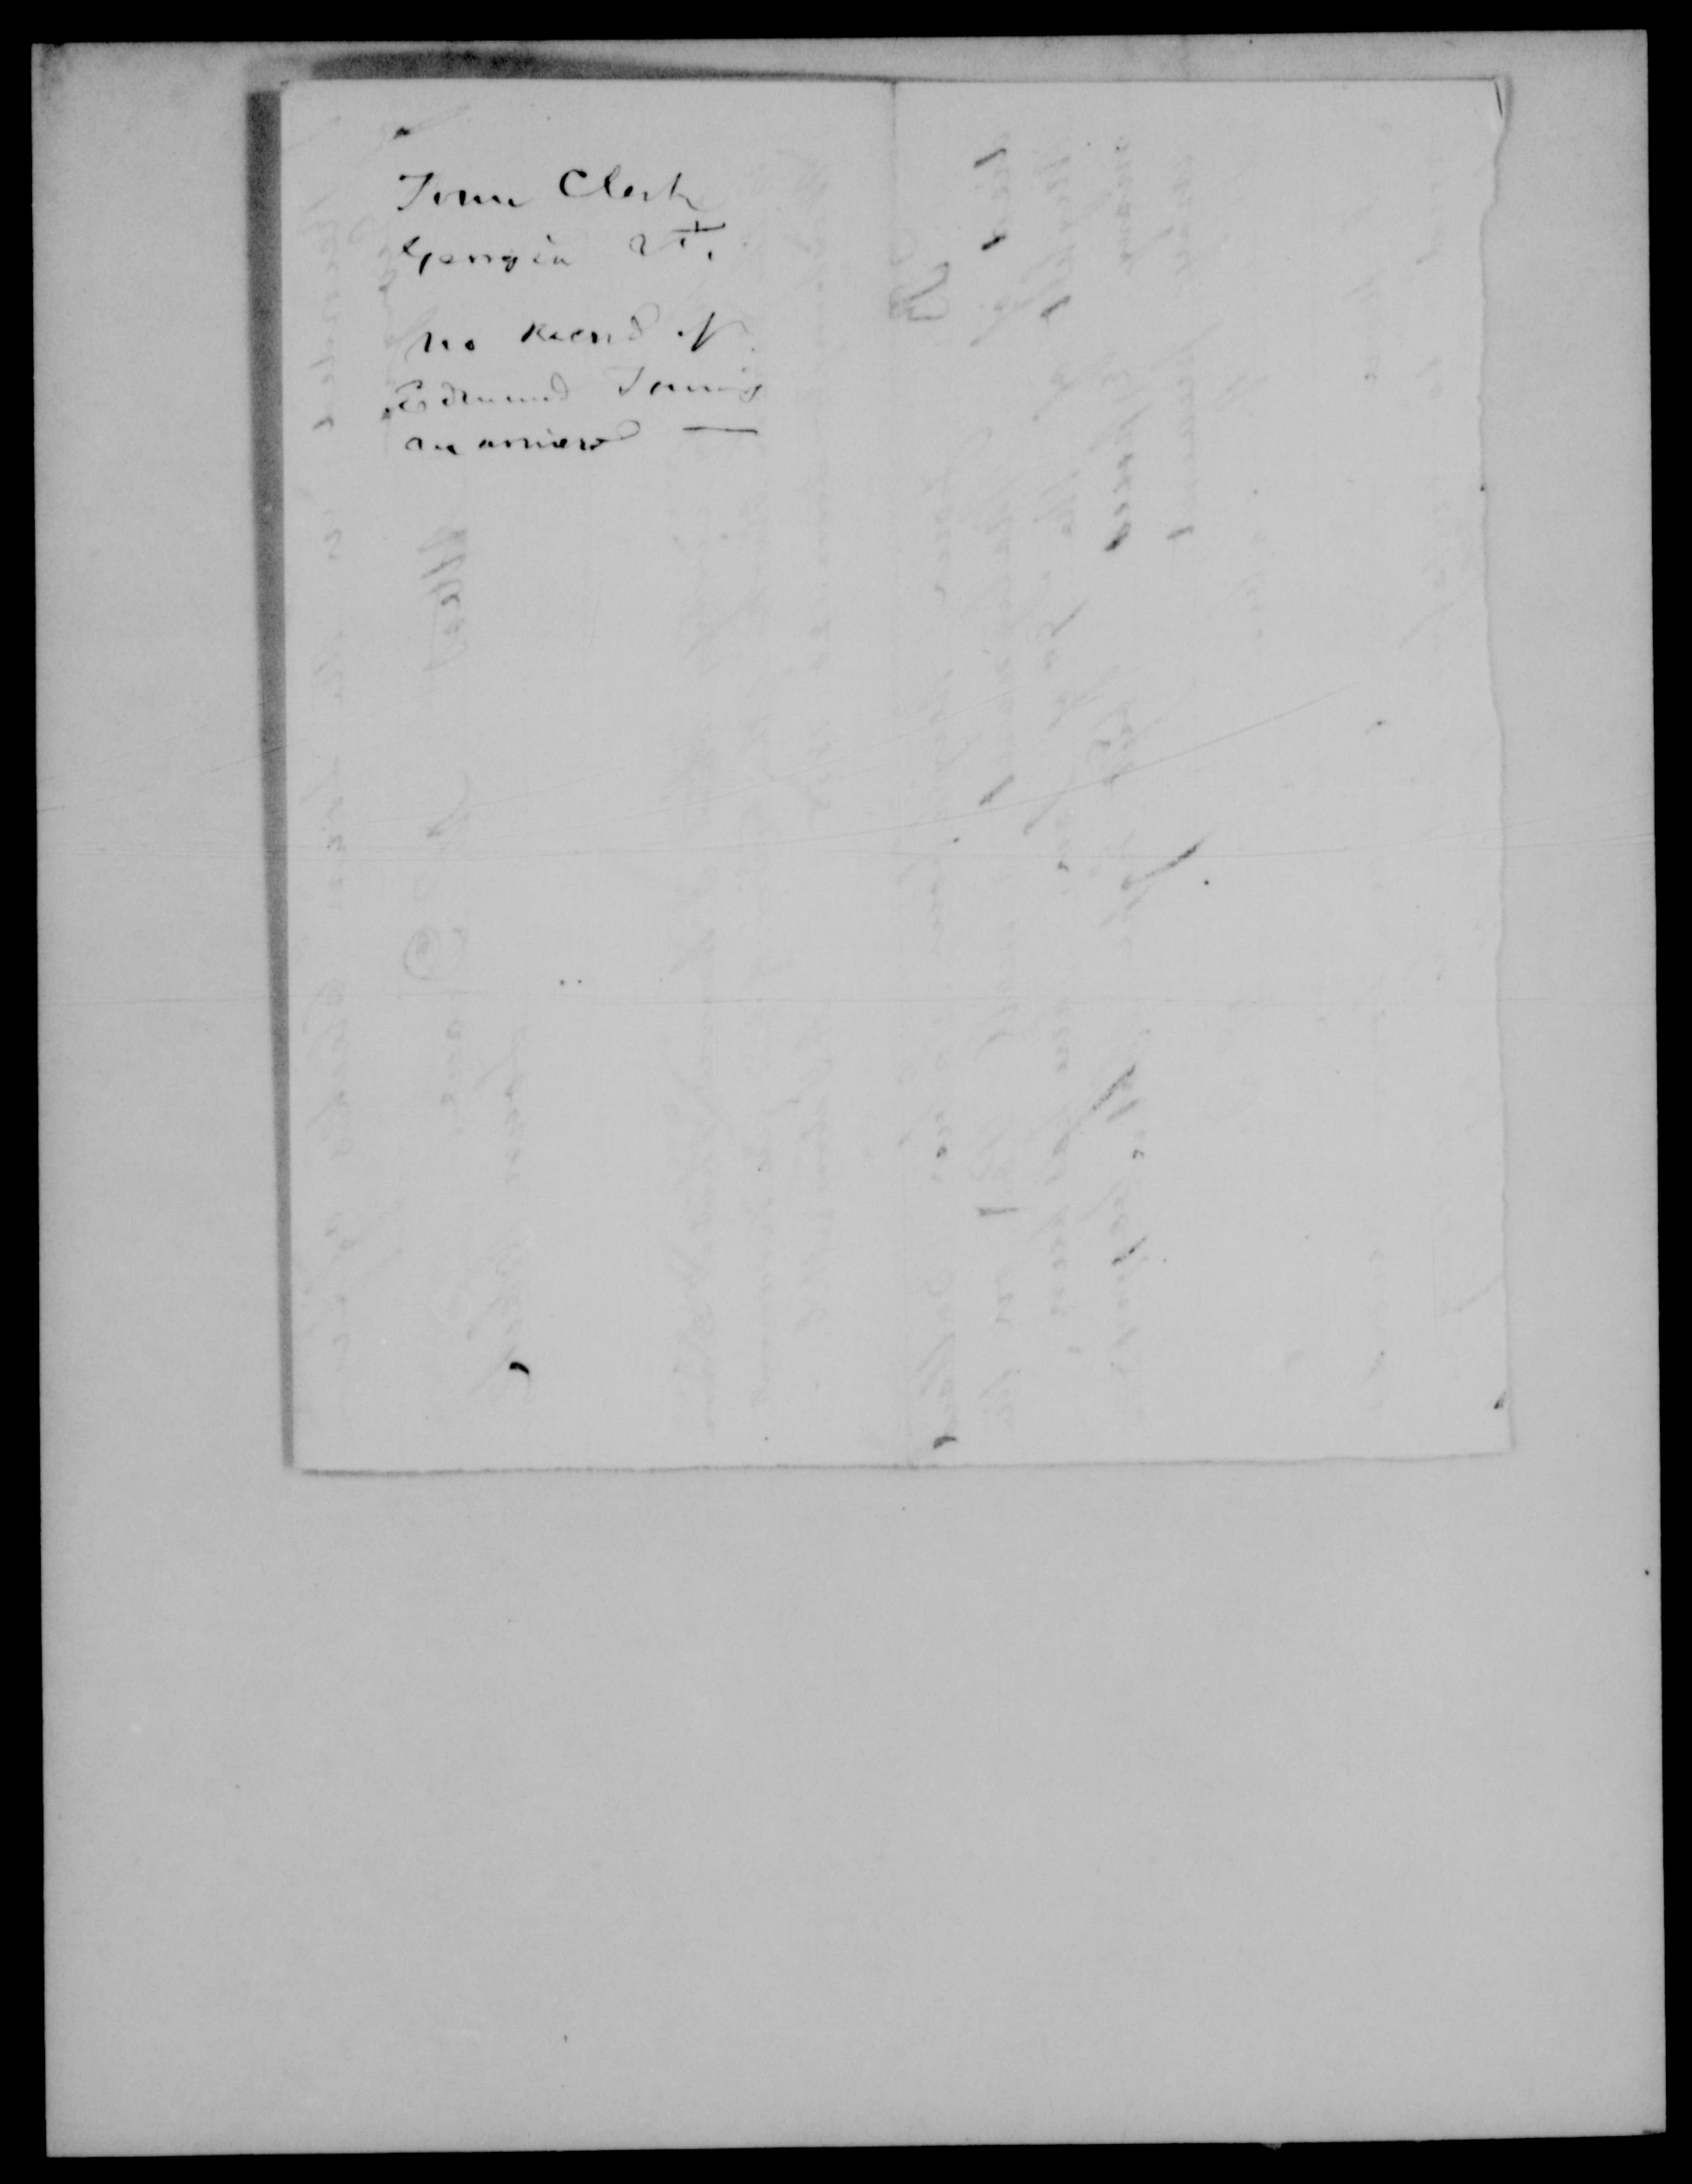Town Clerk
Georgia, Vt.
No record of Edmund Town is (illegible)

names: Edmund Town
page: 36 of 64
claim: widow's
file: W. 5831, Edmund Town, Mass.